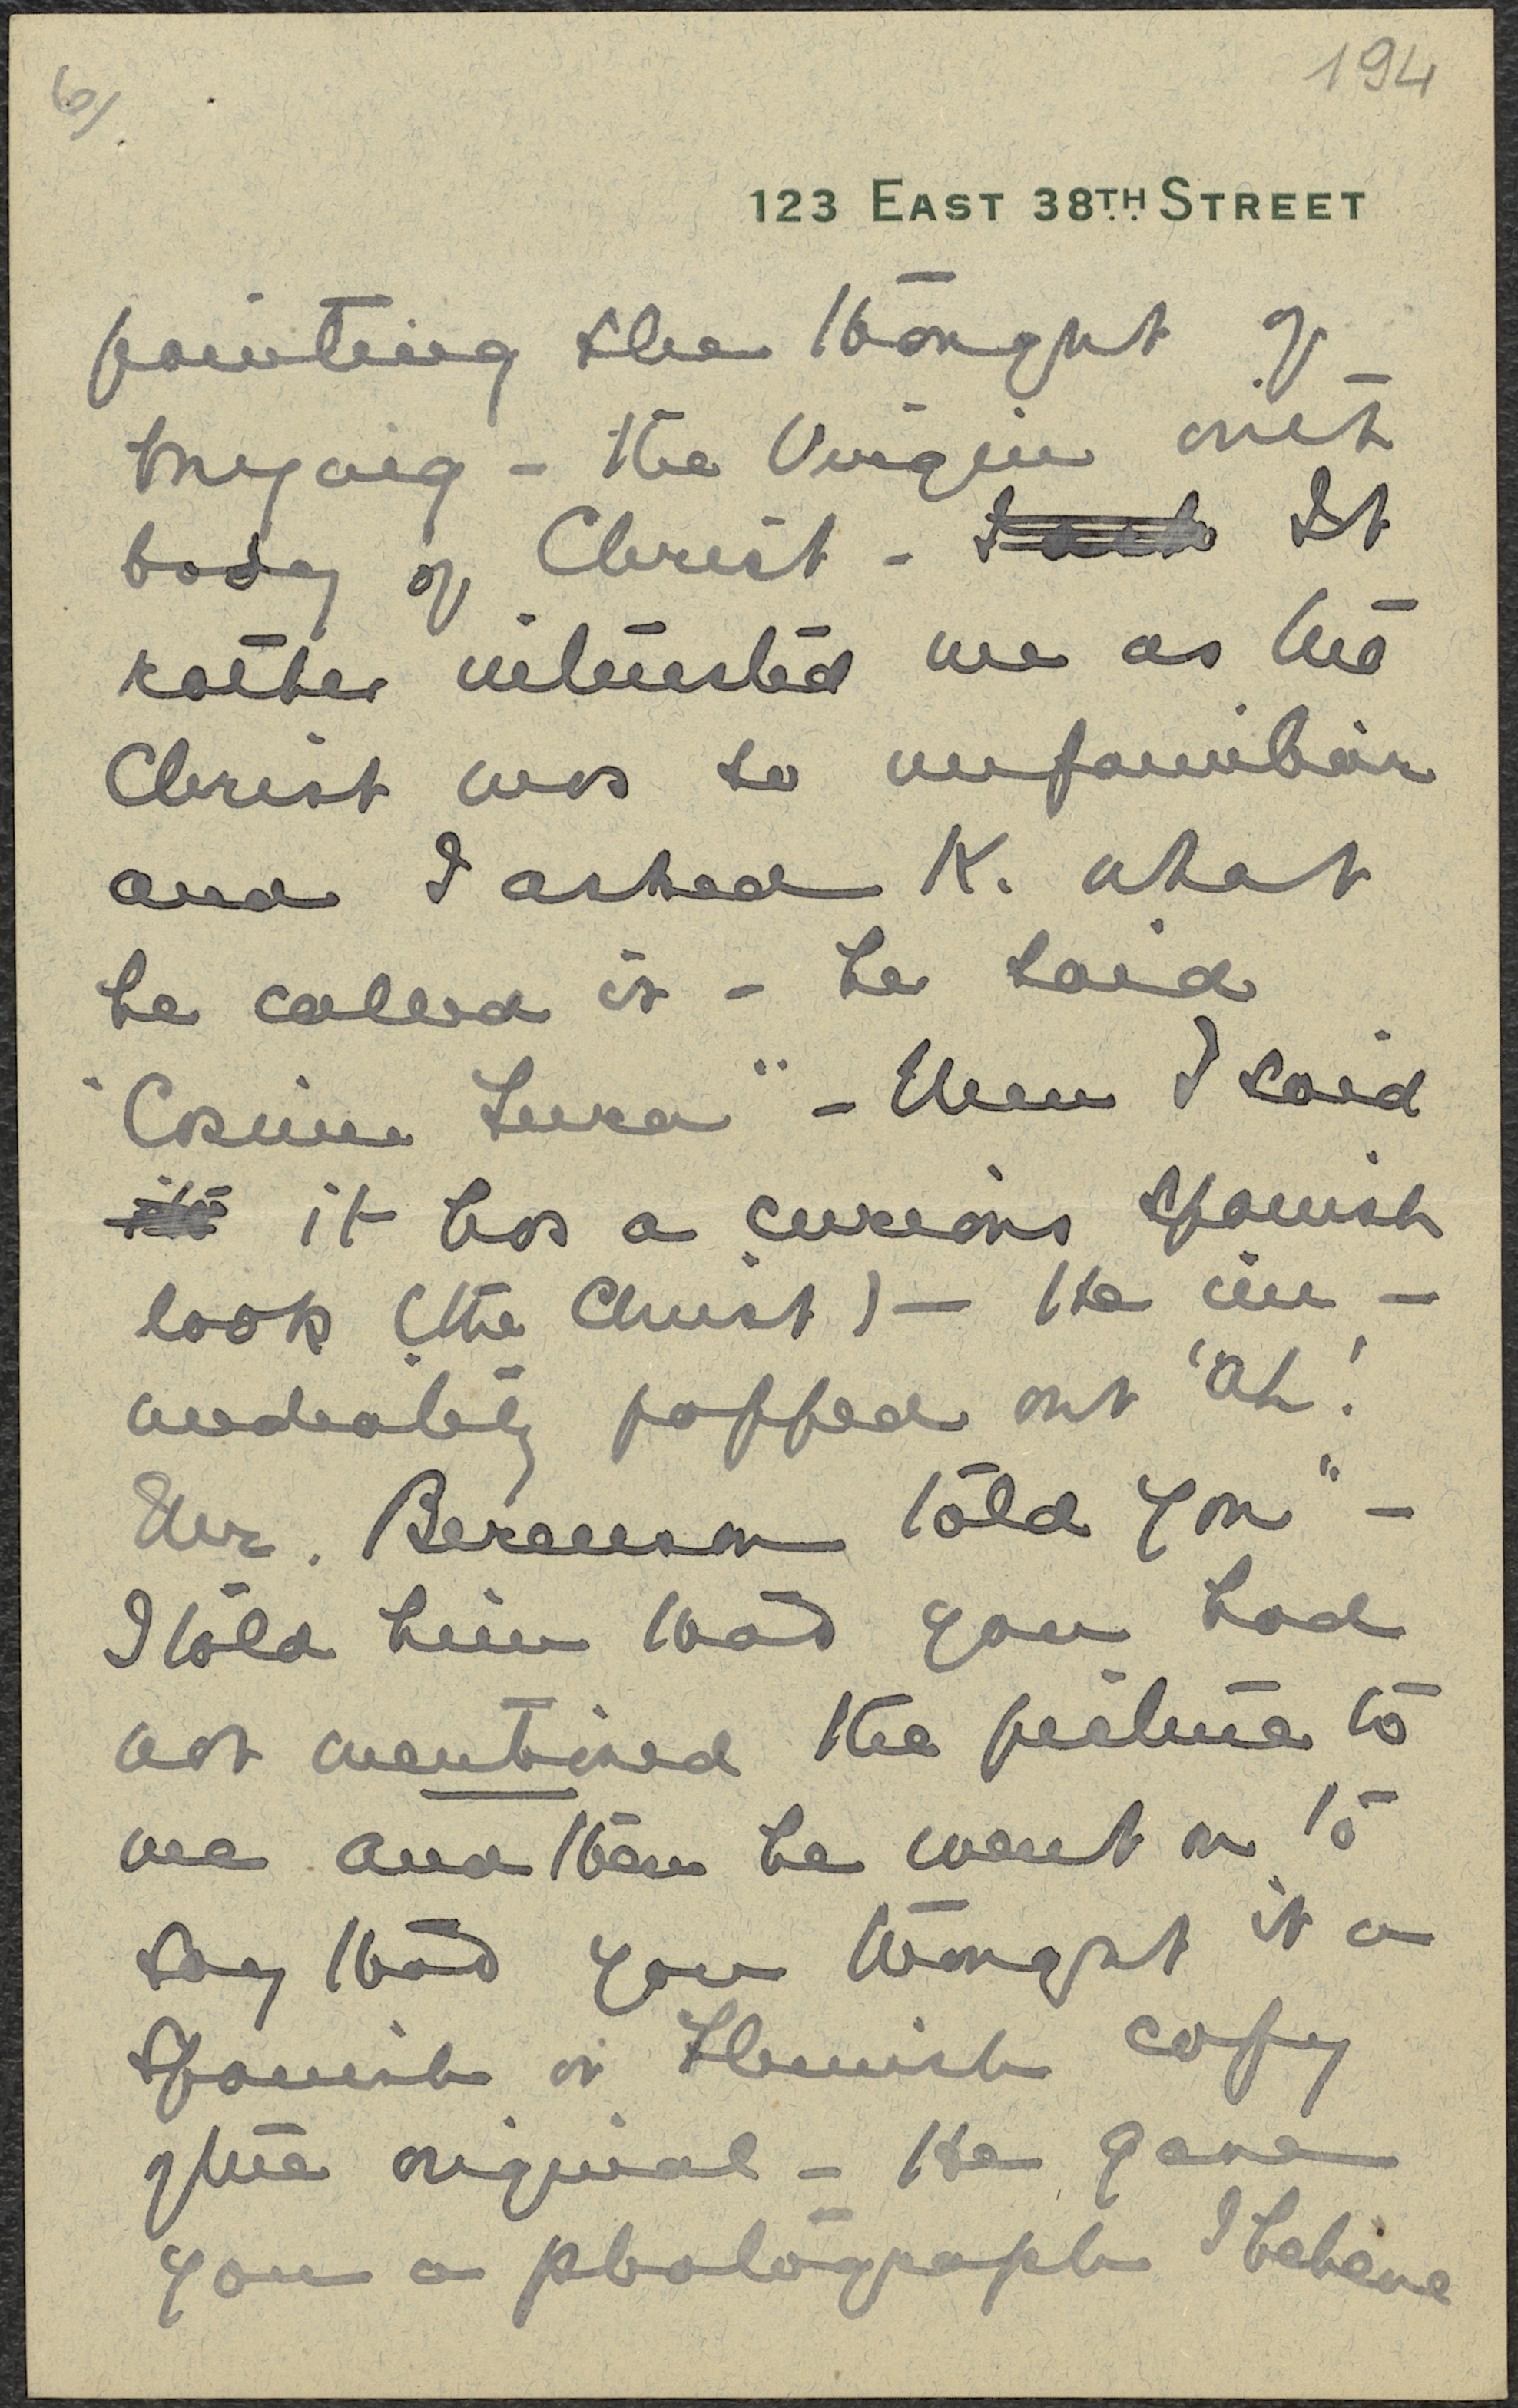painting she thought of buying – the Virgin with body of Christ – I act It rather interested me as the Christ was so unfamiliar and I asked K. what he called it – he said "Cosina Lura" – Then I said its it has a curious Spanish look (the Christ) he immediately popped out "Oh! Mr. Berenson told you" – I told him that you had not mentioned the picture to me and then he went on to say that you thought it a Spanish or Flemish copy of the original – He gave you a photograph I believe